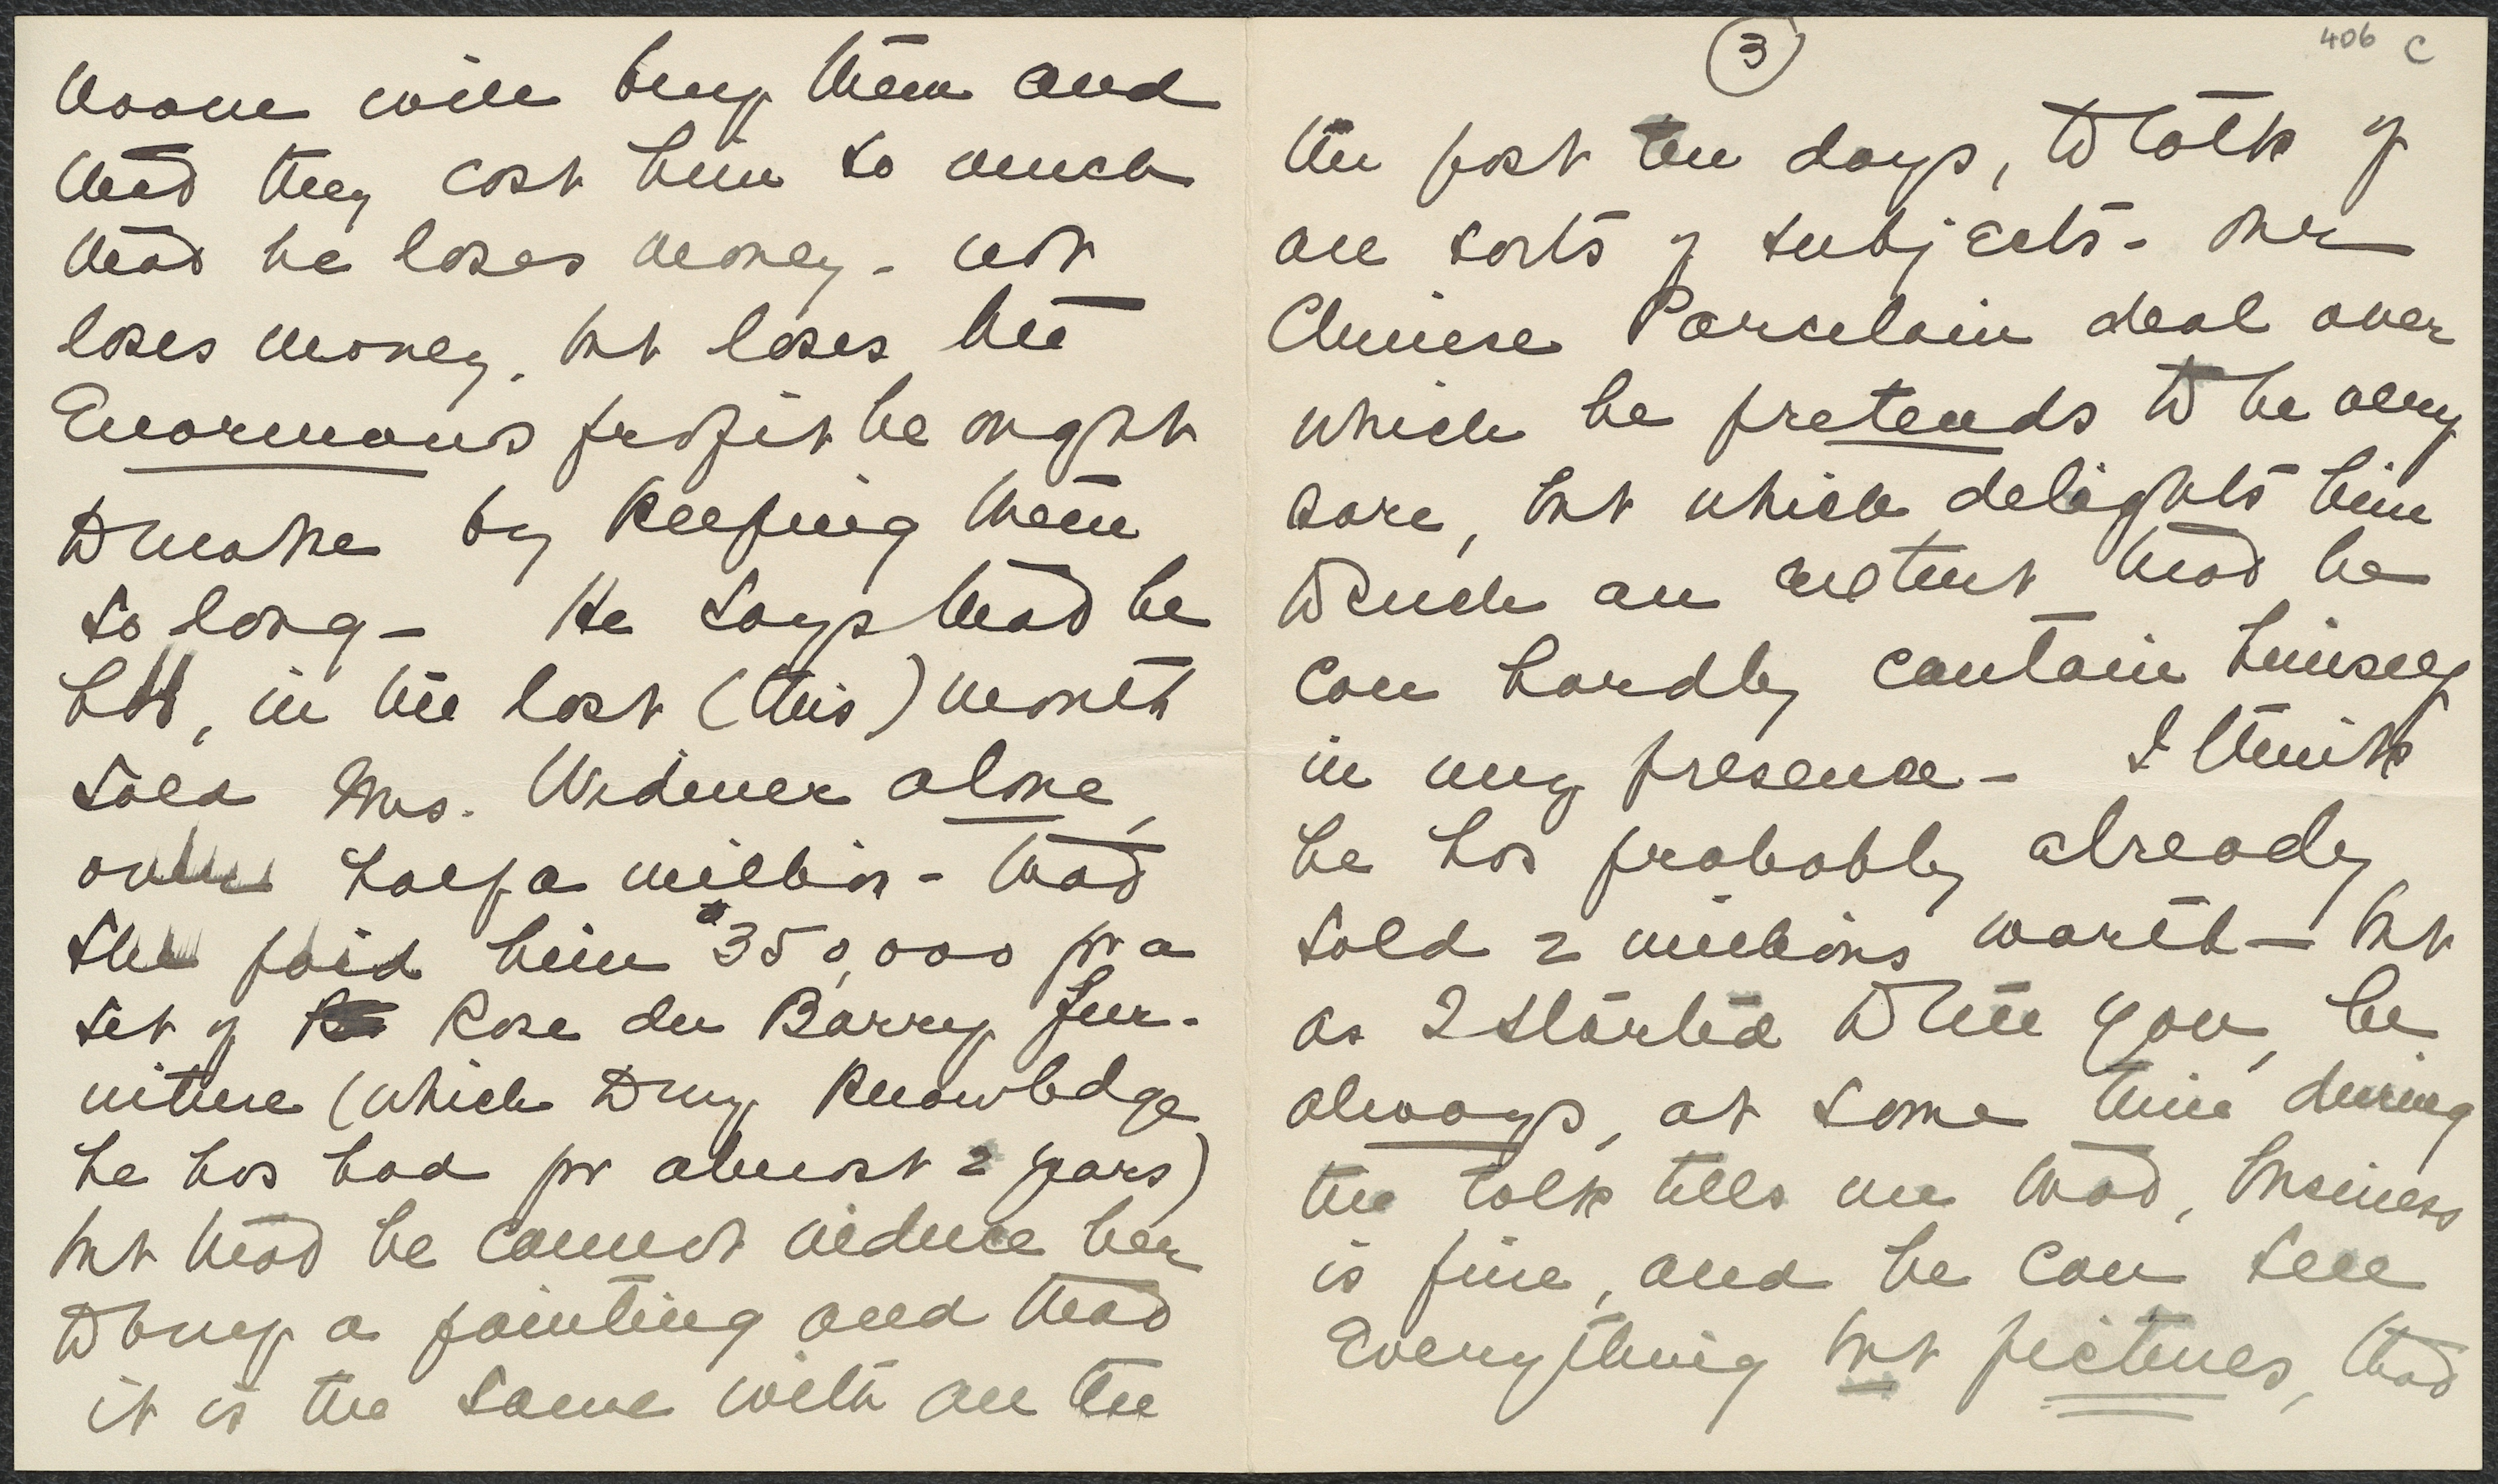the past ten days, to talk of all sorts of subjects – our Chinese porcelain deal over which he pretends to be very sore, but which delights him to such an extent that he can hardly contain himself in my presence – I think he has probably already sold 2 millions worth – but as I started to tell you, he always, at some time during the talk tells me that, business is fine, and he can sell everything but [double underlined: pictures], that
no one will buy them and that they cost him so much that he loses money, not loses money, but loses the enormous profit he ought to make by keeping them so long – He says that he had, in the last (this) month sold Mrs. Widener alone, over half a million – that she paid him $350,000 for a set of B Rose du Barry furniture (which to my knowledge he has had for almost 2 years) but that he cannot induce her to buy a painting and that it is the same with all the